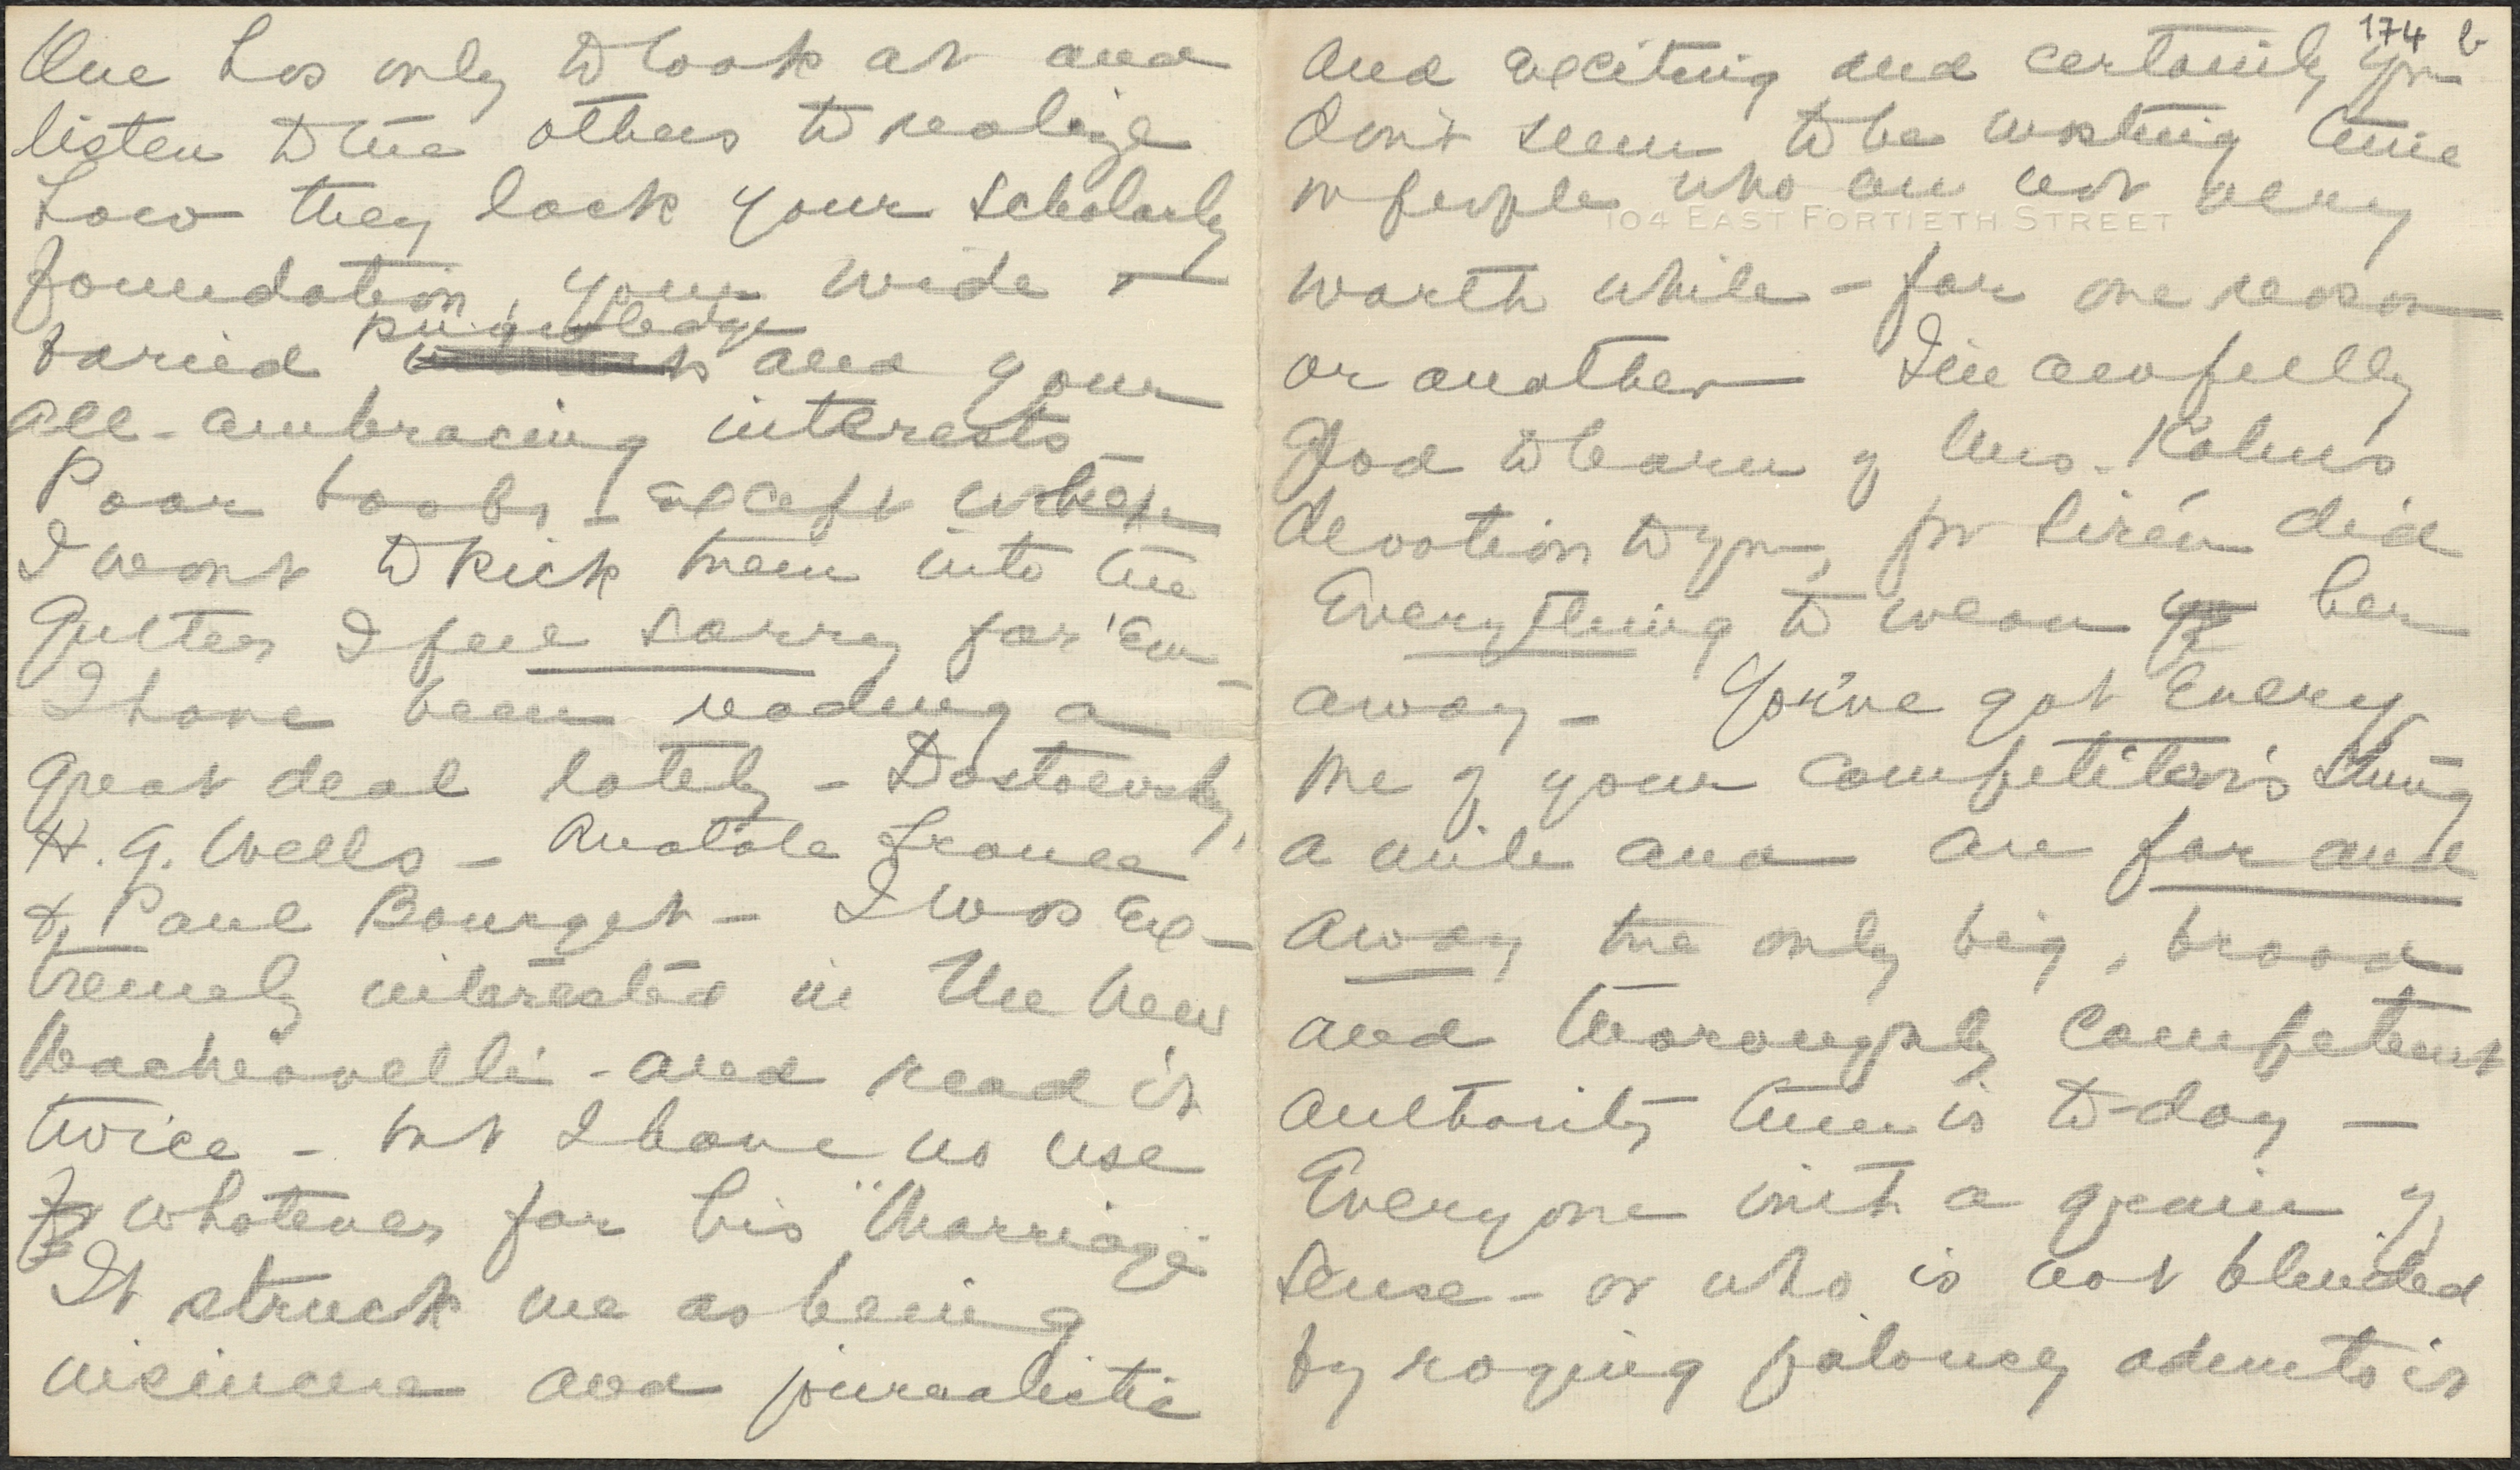and exciting and certainly you don’t seem to be wasting time on people who are not very worth while – for one reason or another – I’m awfully glad to learn of Mrs. Kahn’s devotion to you, for Sirén did everything to wear y her away – You’ve got every one of your competitor’s stung a mile and are far and away the only big, broad and thoroughly competent authority there is to-day –
Everyone with a grain of sense – or who is not blinded by raging jealousy admits it
One has only to look at and listen to the other to realize how they lack your scholarly foundation, your wide & varied [illegible deletion] [^knowledge^] and your all-embracing interests –
Poor boobs – except when I want to kick them into the gutter I feel sorry for ‘em
I have been reading a great deal lately – Dostoevsky, H. G. Wells – Anatole France & Paul Bourget – I was extremely interested in The New Machiavelli – and read it twice – but I have no use fo whatever for his “Marriage”
It struck me as being insincere and journalistic